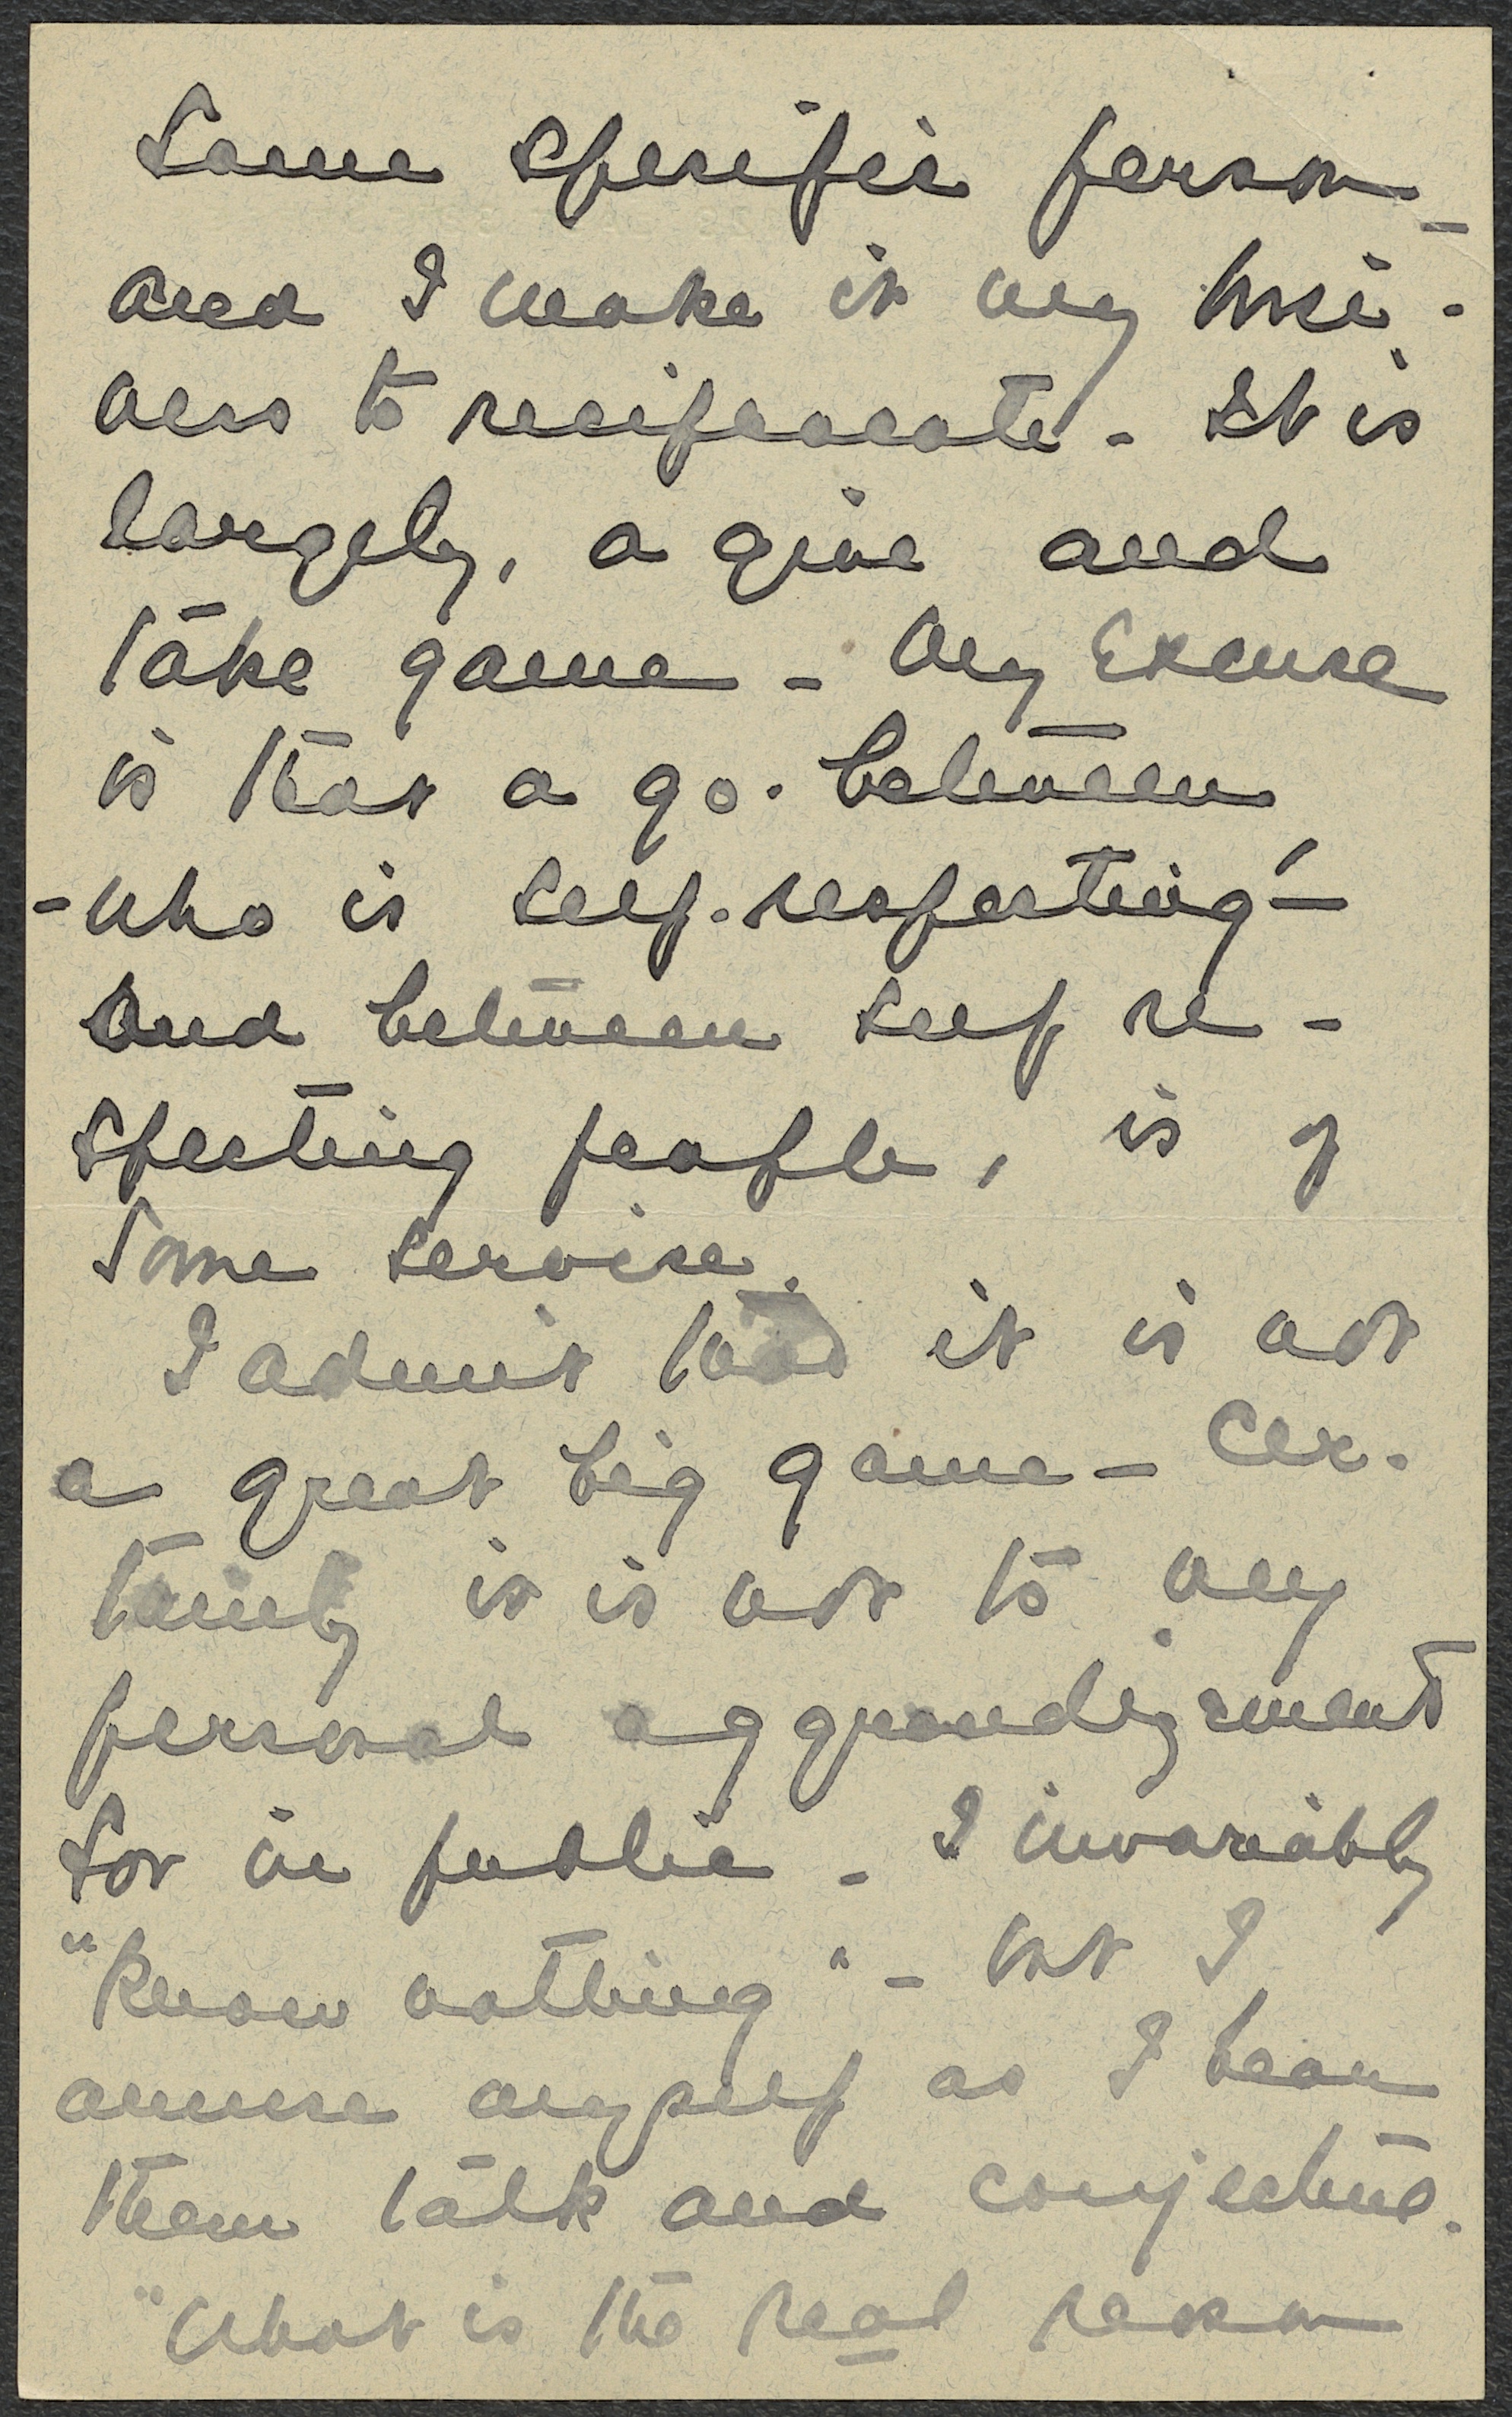some specific person – and I make it my business to reciprocate – It is largely, a give and take game – my excuse is that a go-between – who is self-respecting – and between self respecting people, is of some service.
I admit that it is not a great big game – certainly it is not to my personal aggrandizement for in public – I invariably “know nothing” – but I amuse myself as I hear them talk about conjecture. “What is the real reason